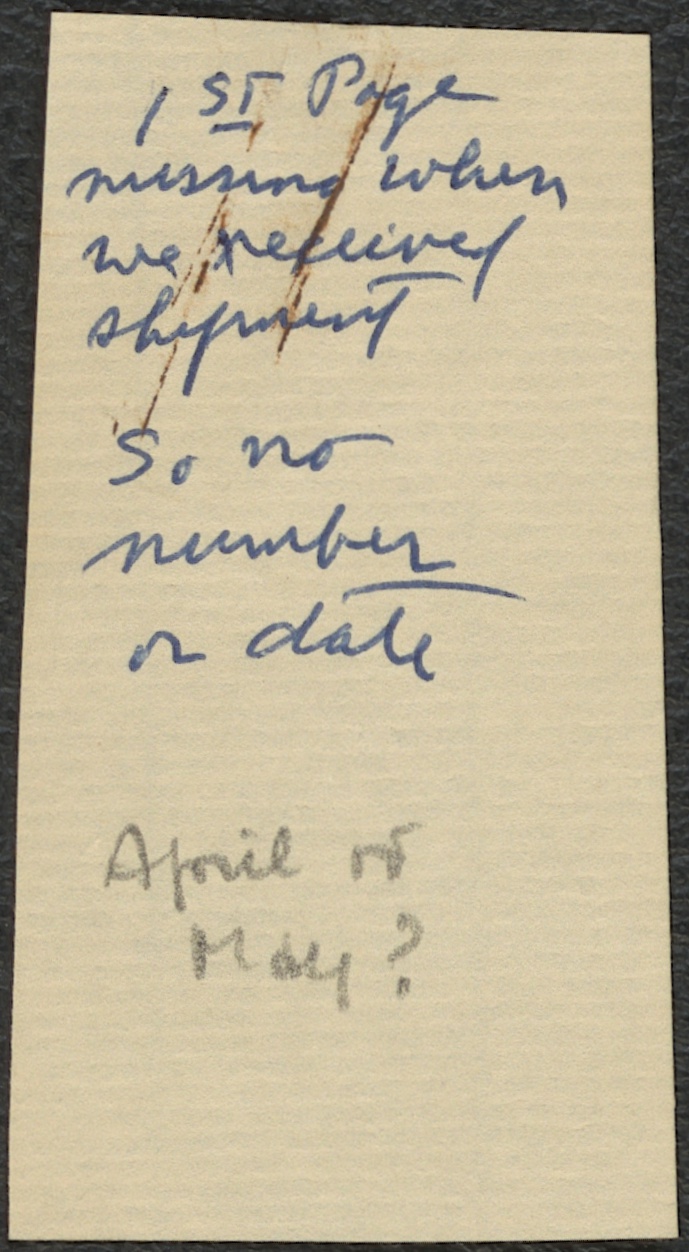[written in later hand]: 1st page missing when we received shipment
So no number or date
April or May?